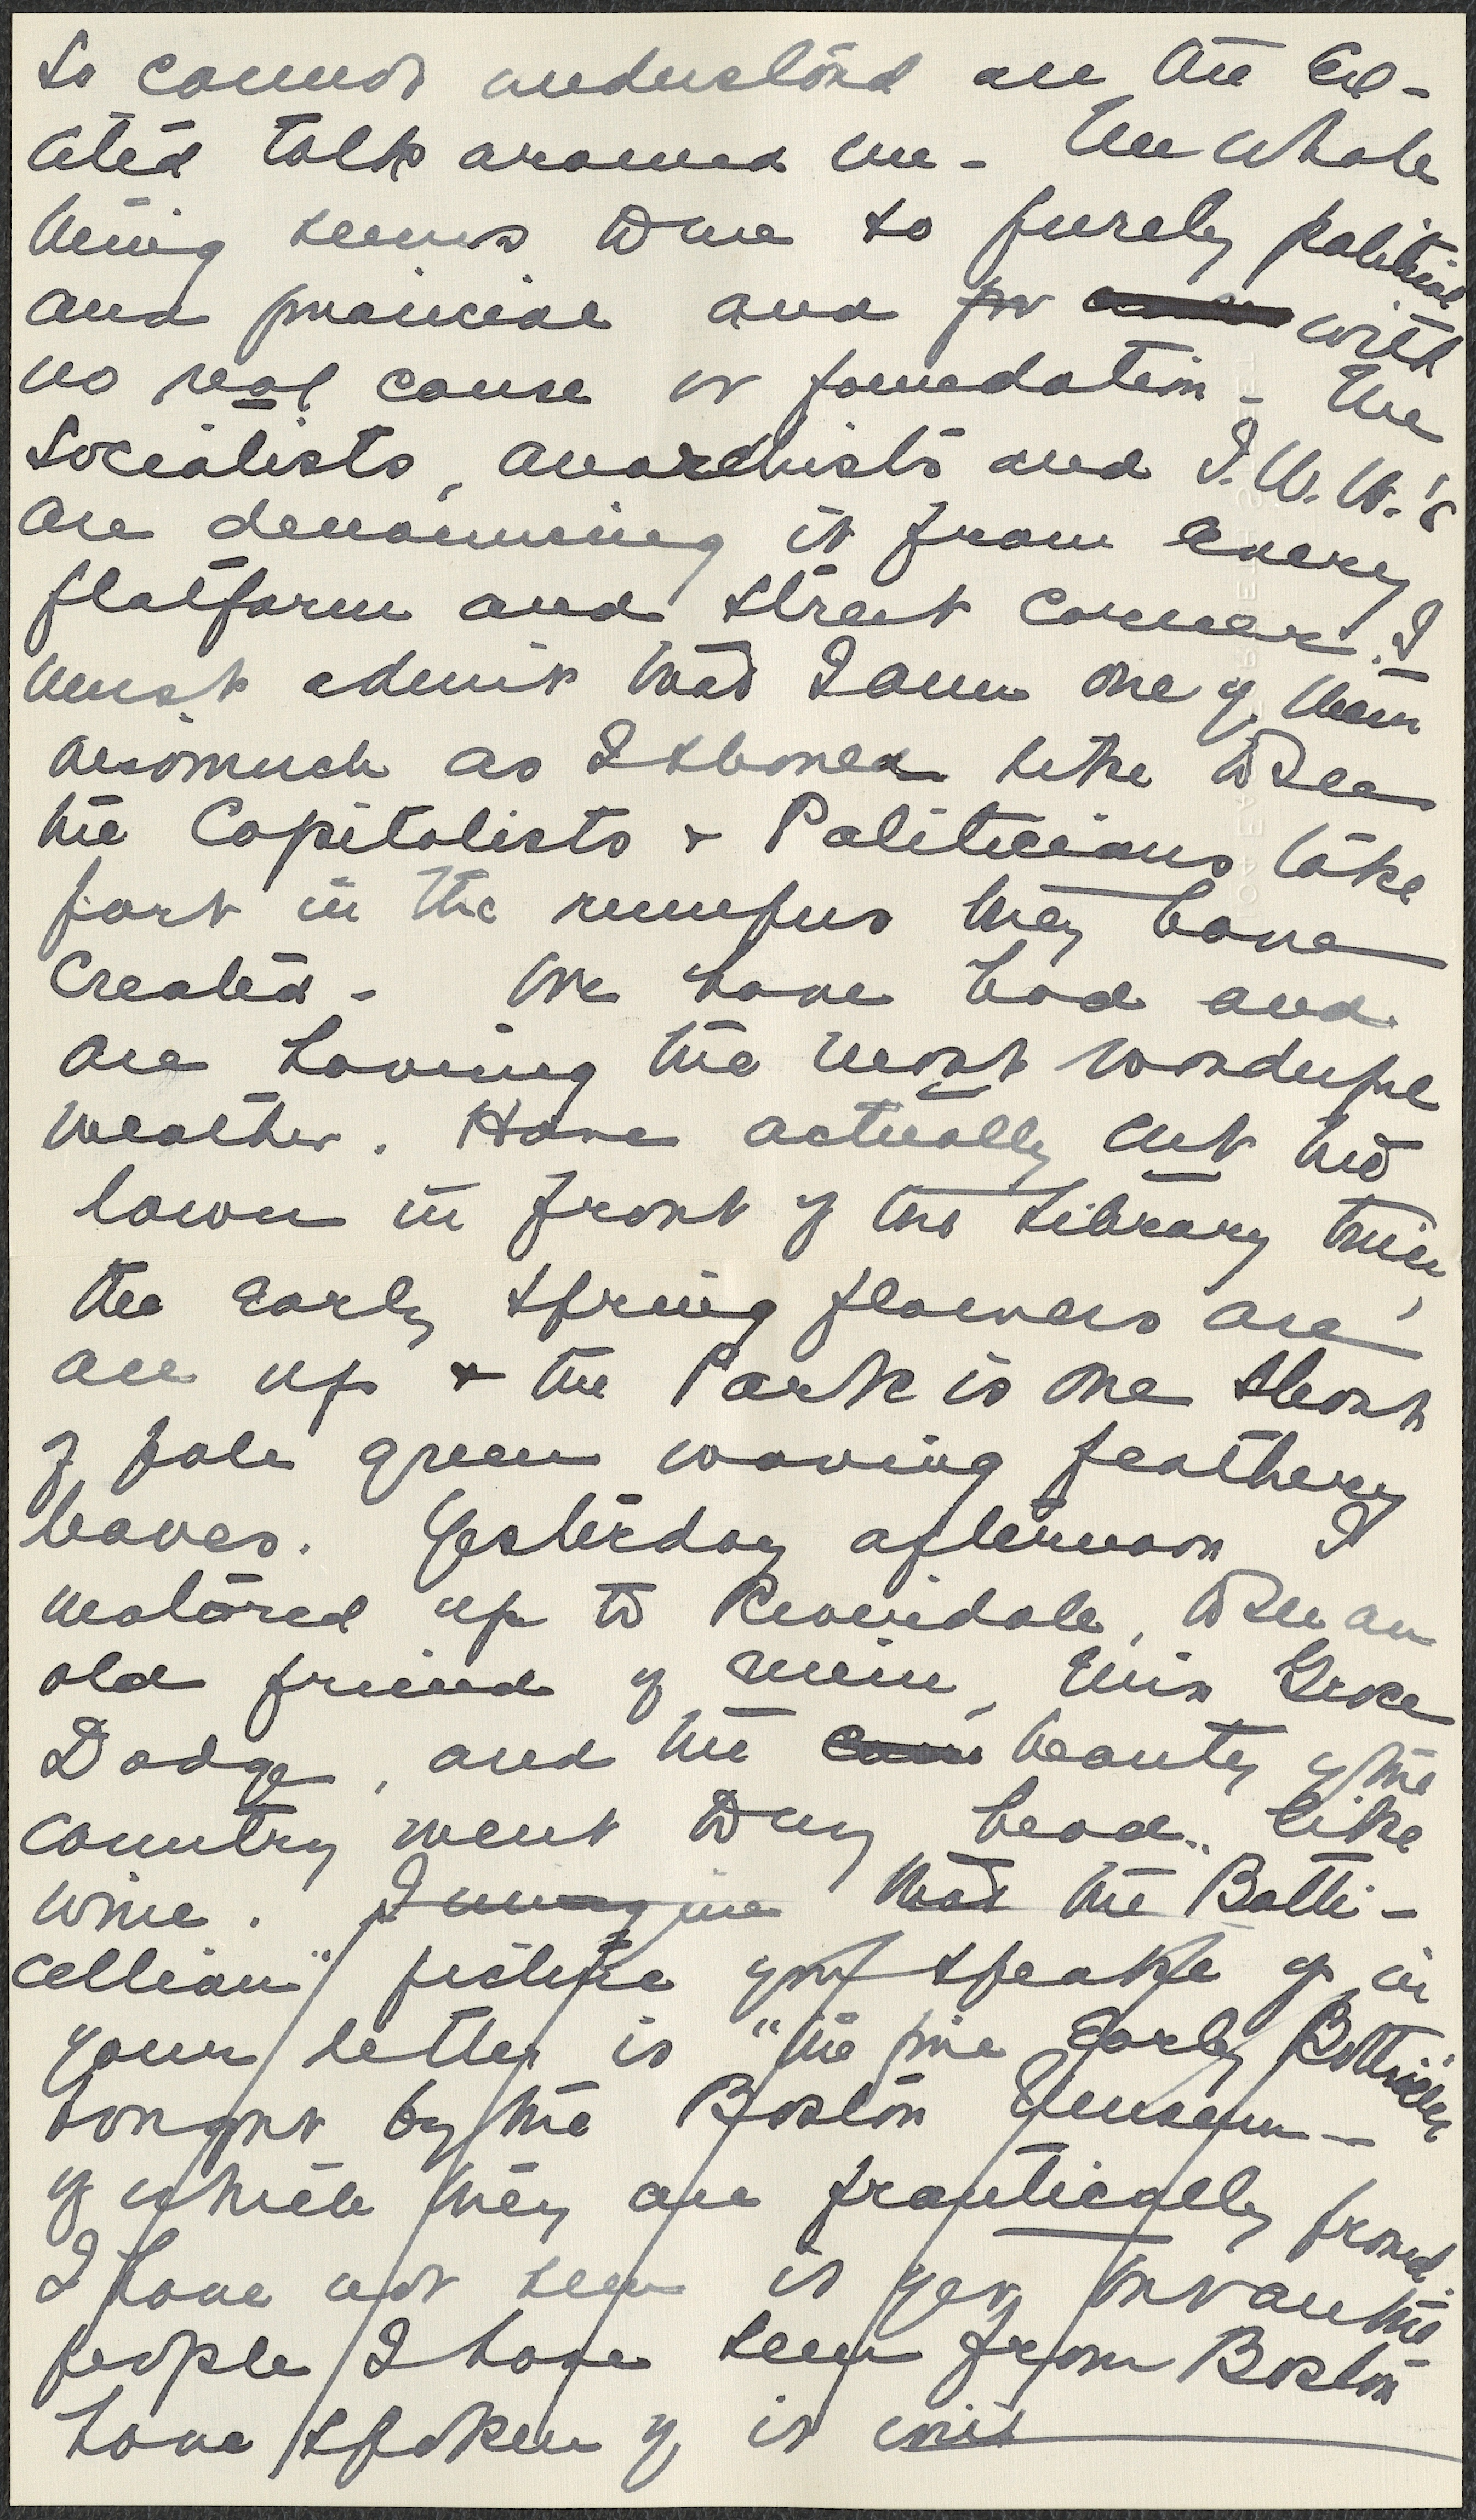so cannot understand all the excited talk around me – the whole thing seems to me so purely political and financial and for once with no real cause or foundation – the socialists, anarchists and I.W.W.’s are denouncing it from every platform and street corner. I must admit that I am one of them inasmuch as I should like to see the Capitalists & Politicians take part in the rumpus they have created – we have had and are having the most wonderful weather. Have actually cut the lawn in front of the Library twice, the early spring flowers are all up & the Park is one short of pale green waving feathery leaves. Yesterday afternoon I motored up to Riverdale, to see an old friend of mine, Miss Grace Dodge, and the ca beauty of the country went to my head.. like wine. [struckthrough section: I imagine that the “Botticellian” picture you spoke of in your letter is “the fine Early Botticelli bought by the Boston Museum – of which they are frantically proud. I have not seen it yet, but all the people I have seen from Boston have spoken of it with – ]